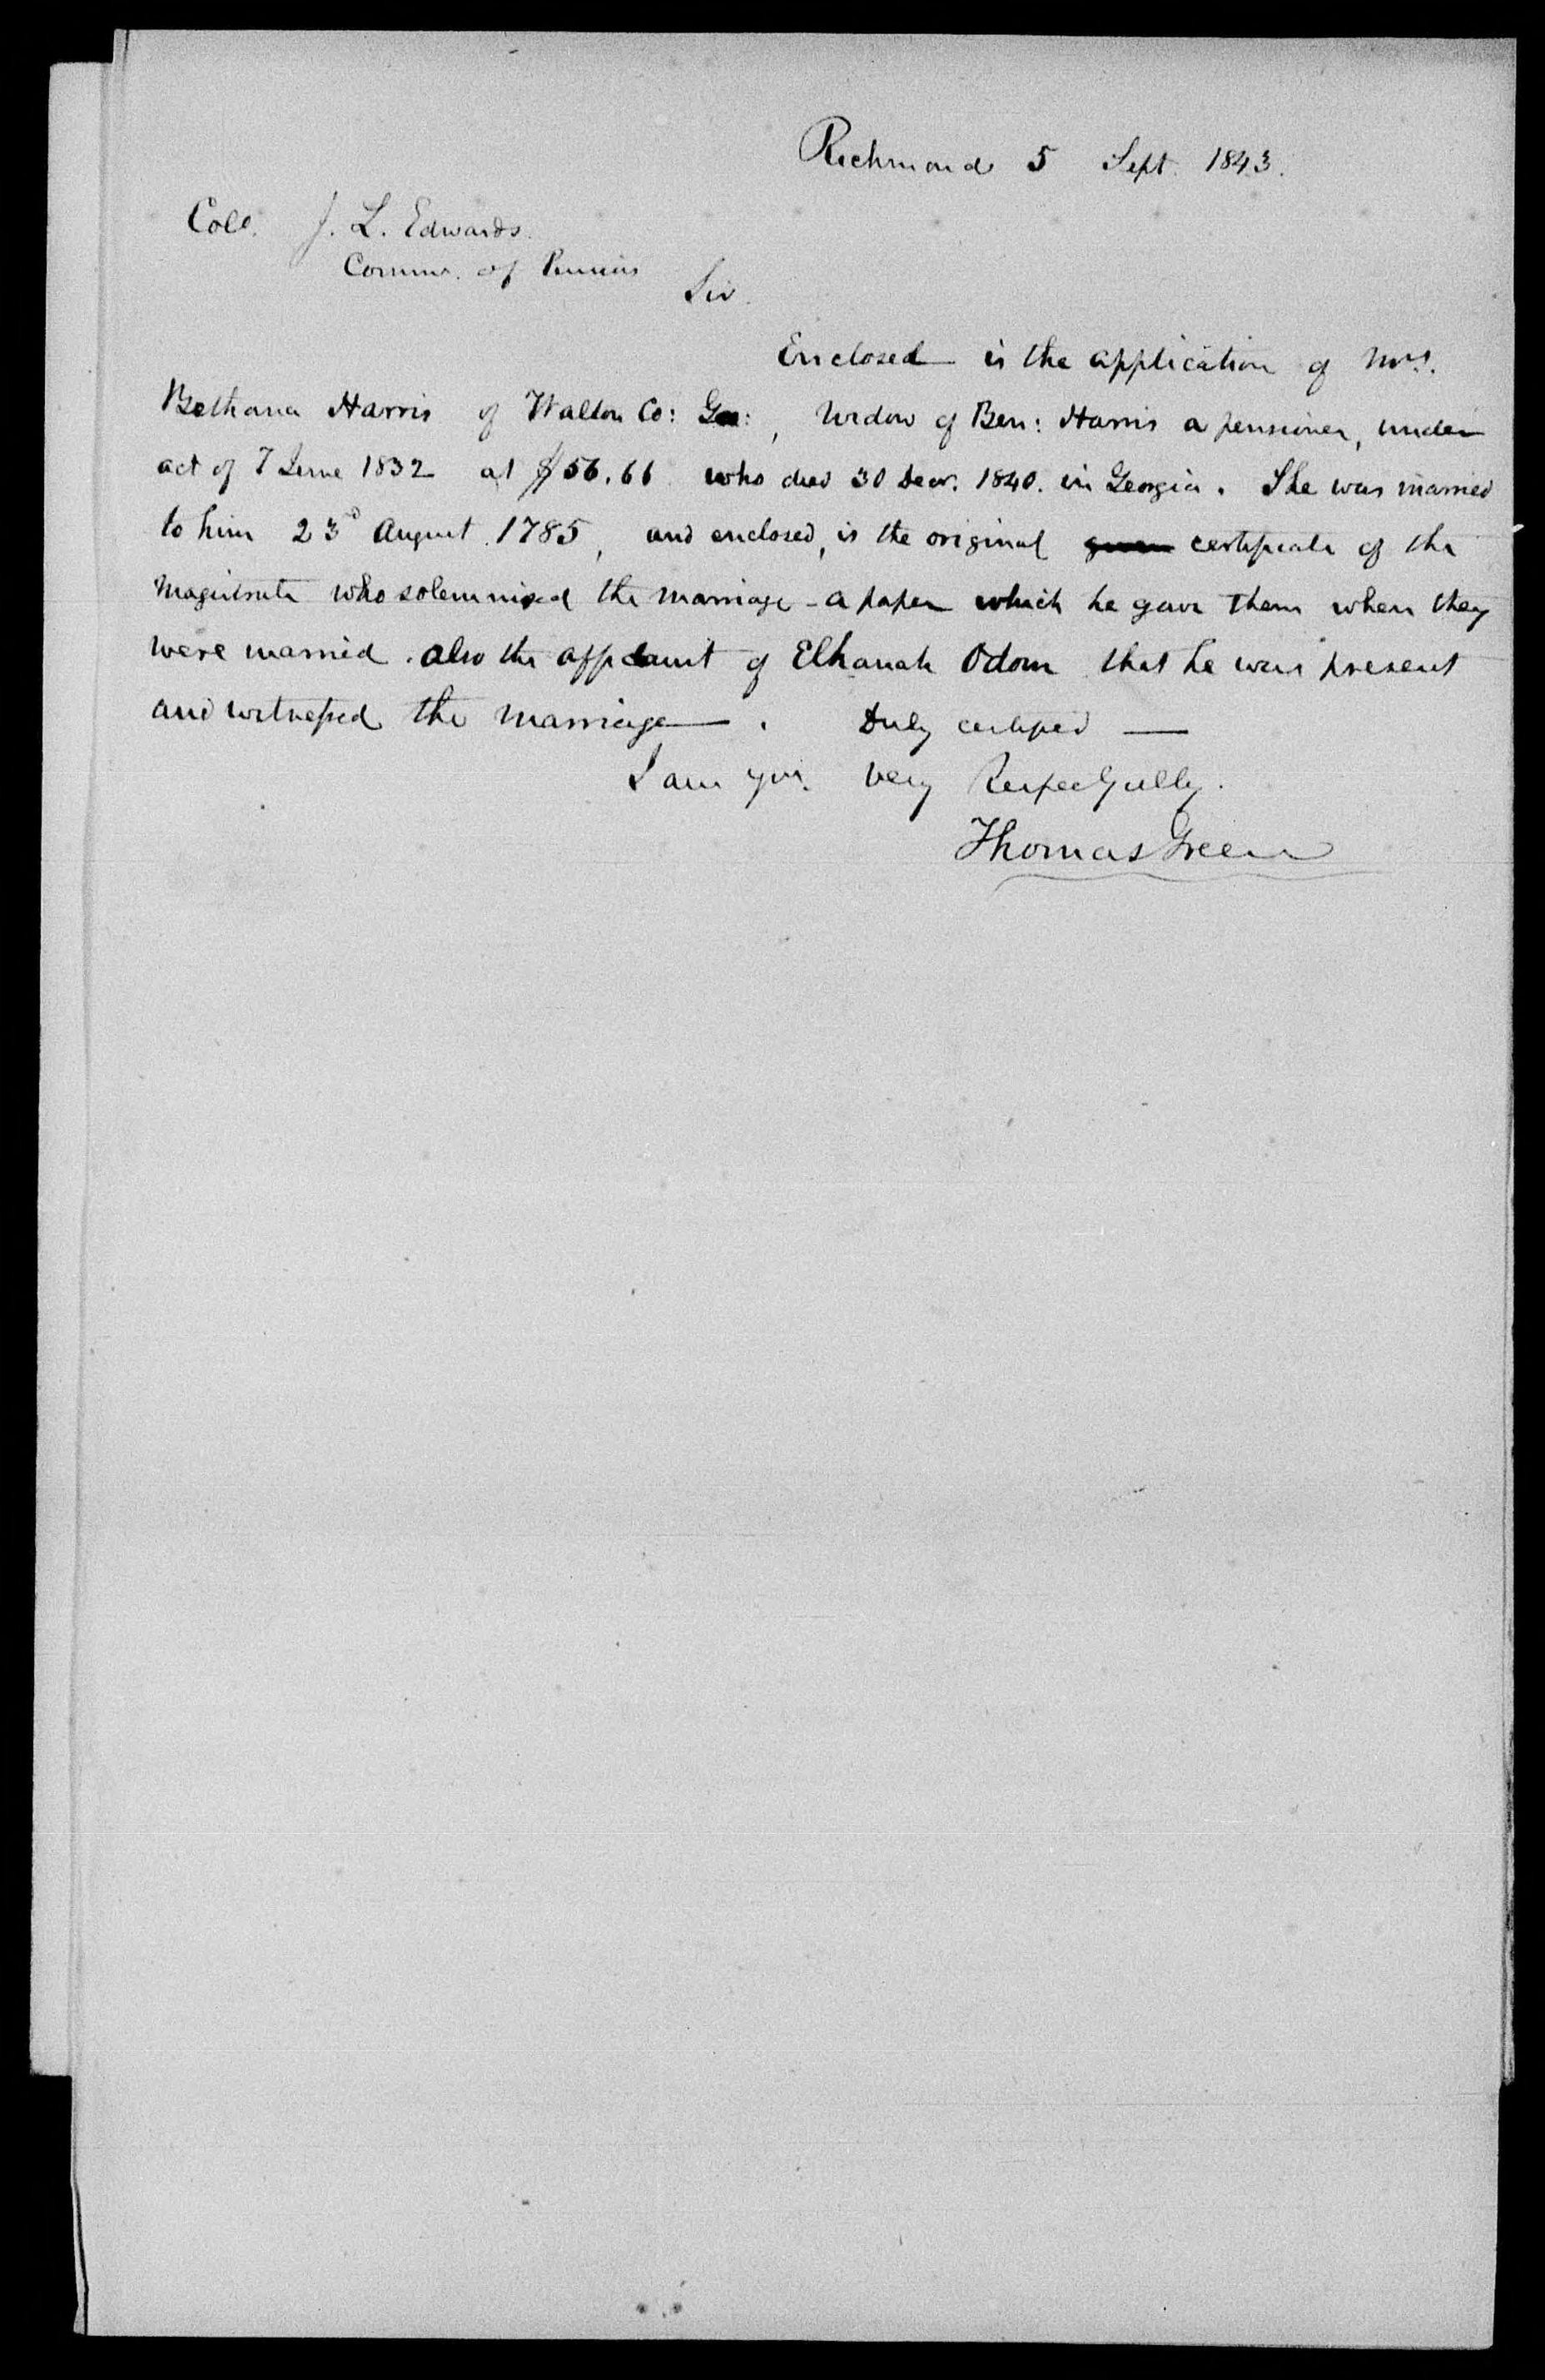Richmond 5 Sept. 1843 
Colo. J.L. Edwards Comm. of Pensions

Sir Enclosed is the application of Mrs Bethana Harris of Walton Co. Ga. Widow of Ben. Harris a pensioner under act of 7 June 1832 at $66.66. who died 30 Sep 1840 in Georgia. She was married to him 23d August 1785, and enclosed is the original certificate of the Magistrate who solemnized the marriage a paper which he gave them when they were married also the affidavit of Elkanah Odom that he was present and witnessed the marriage duly certified - I am your very Respectfully Thomas Green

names: J L Edwards, Elkanah Odom, Bethana Harris, Ben Harris, Thomas Green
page: 44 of 62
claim: survivor's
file: S. 38816, Benjamin Harris, Mass.